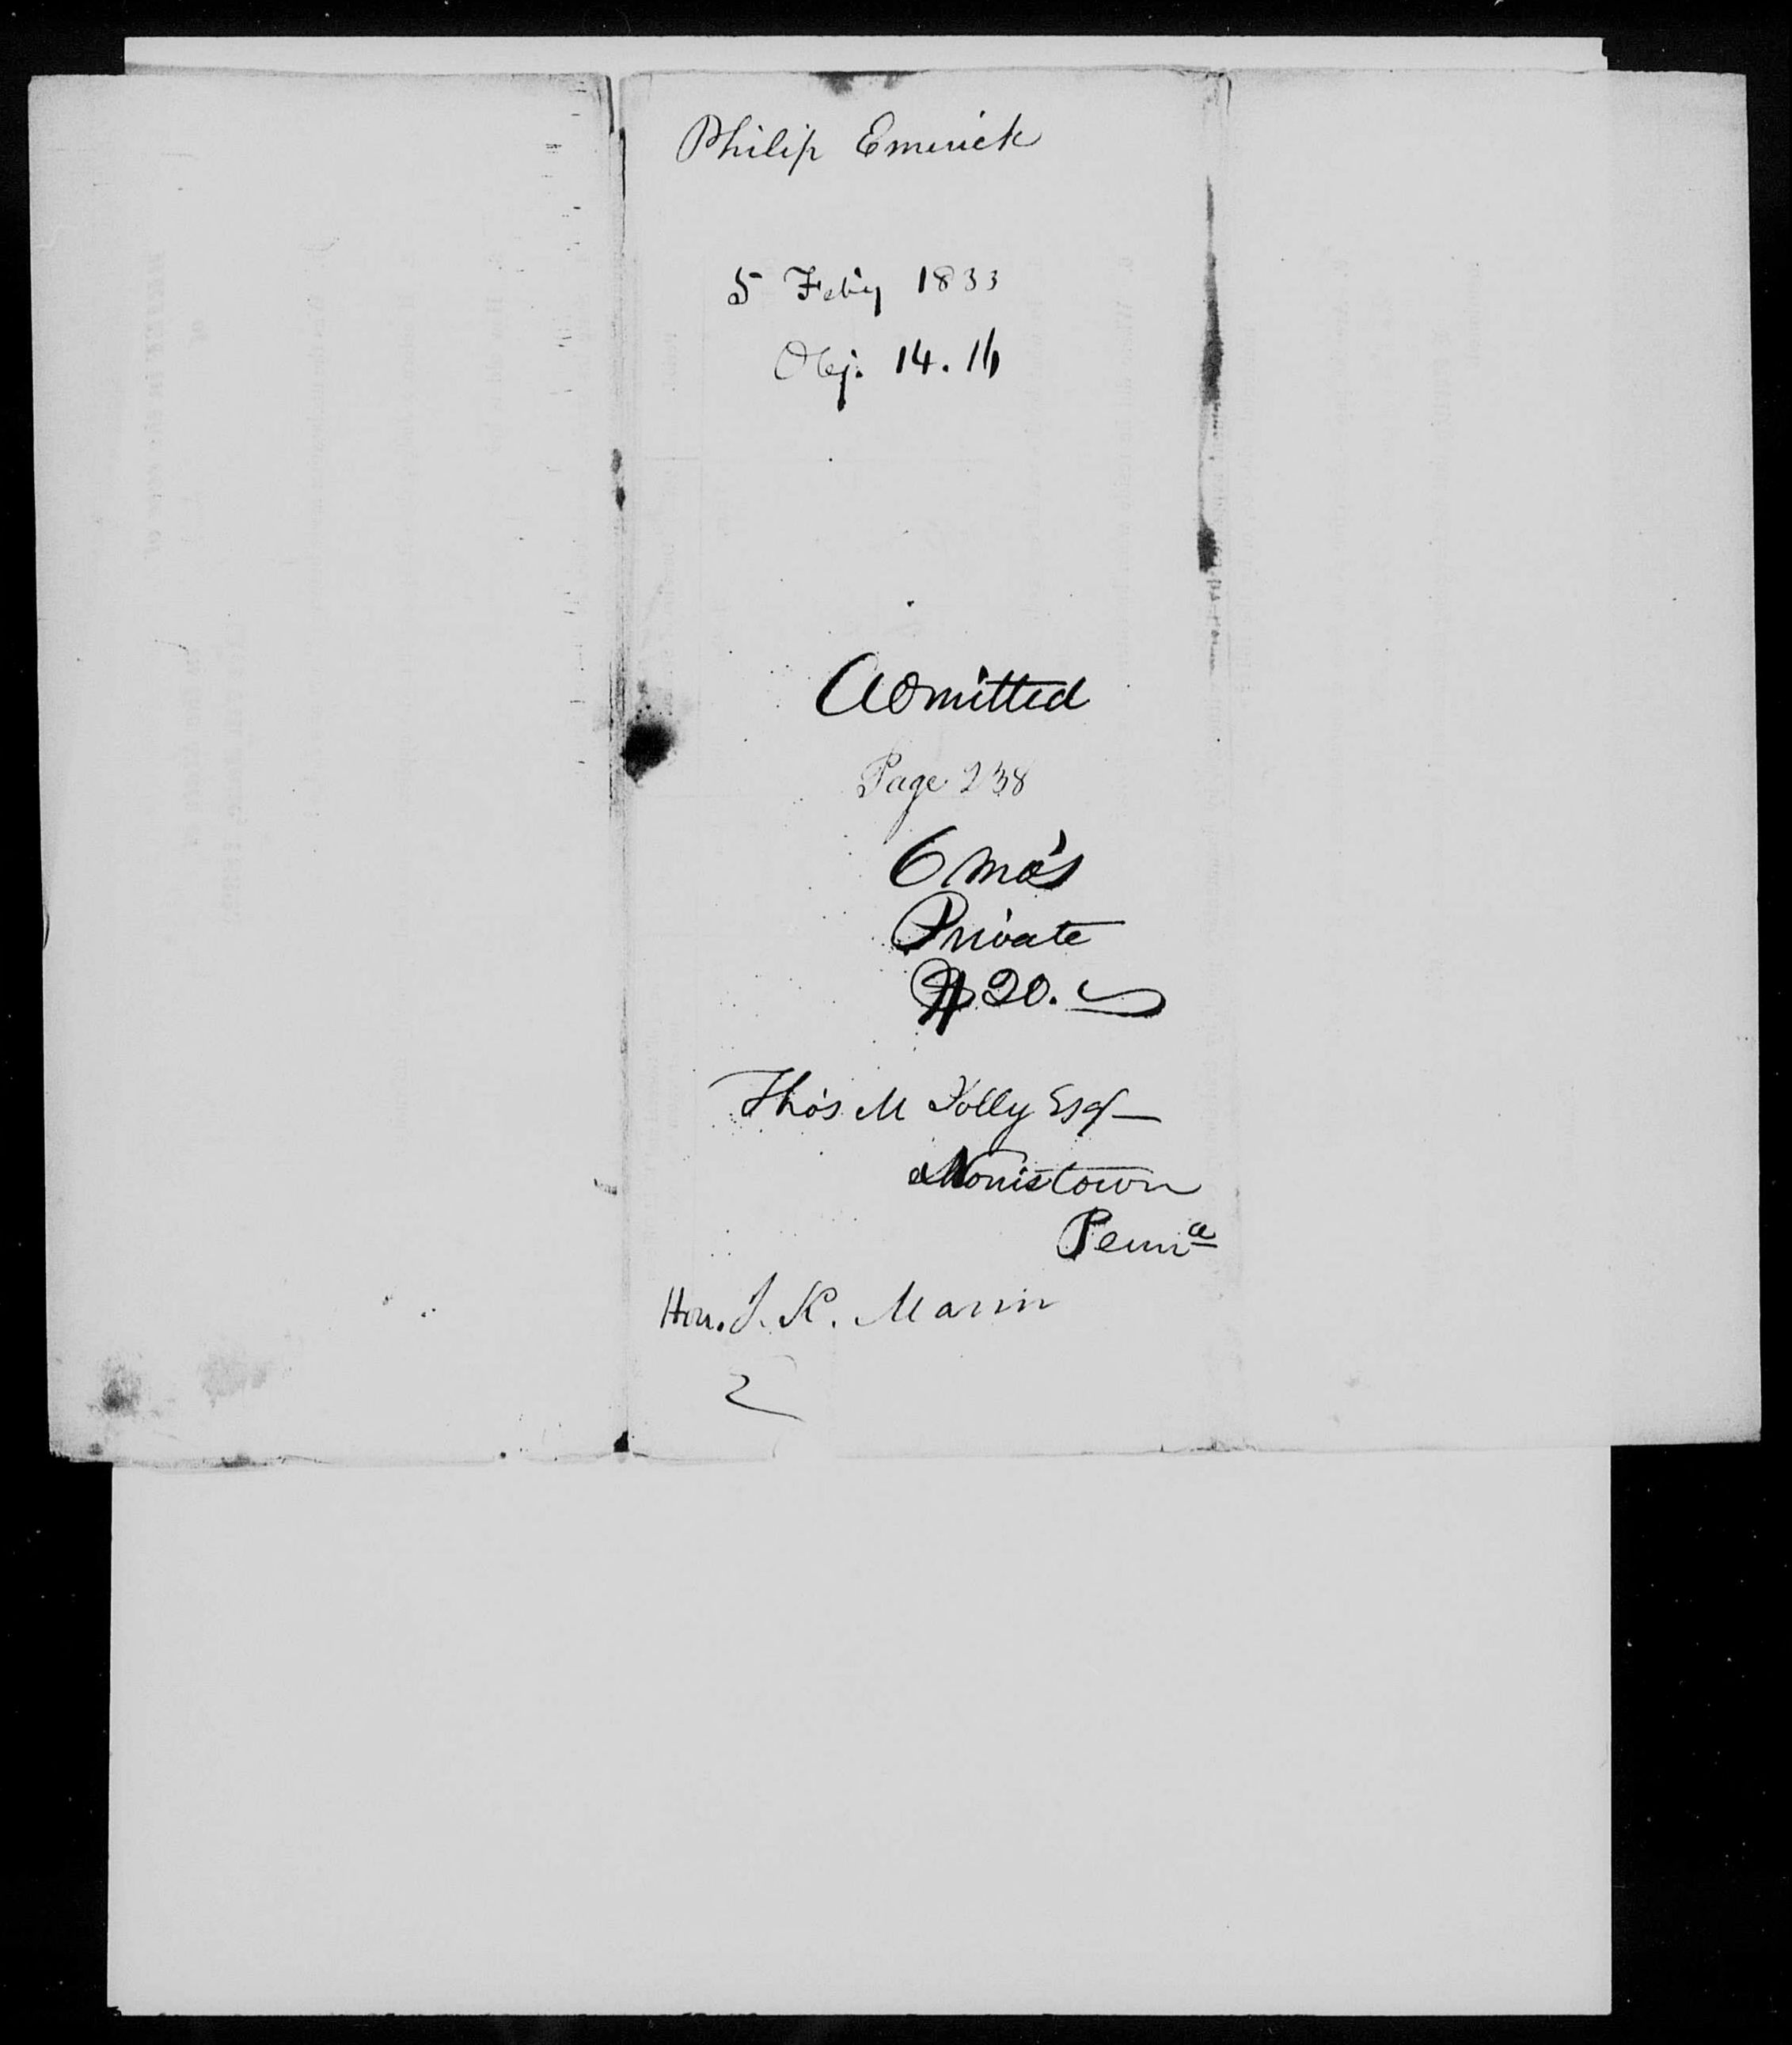Philip Emerick

5 Feby 1833
Olej: 14.16

admitted
Page 238
6 mo's
Private
$20.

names: Thos M Jolly, Philip Emerick, J K Marin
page: 15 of 29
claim: survivor's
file: S. 23618, Philip Emerick, Penn.